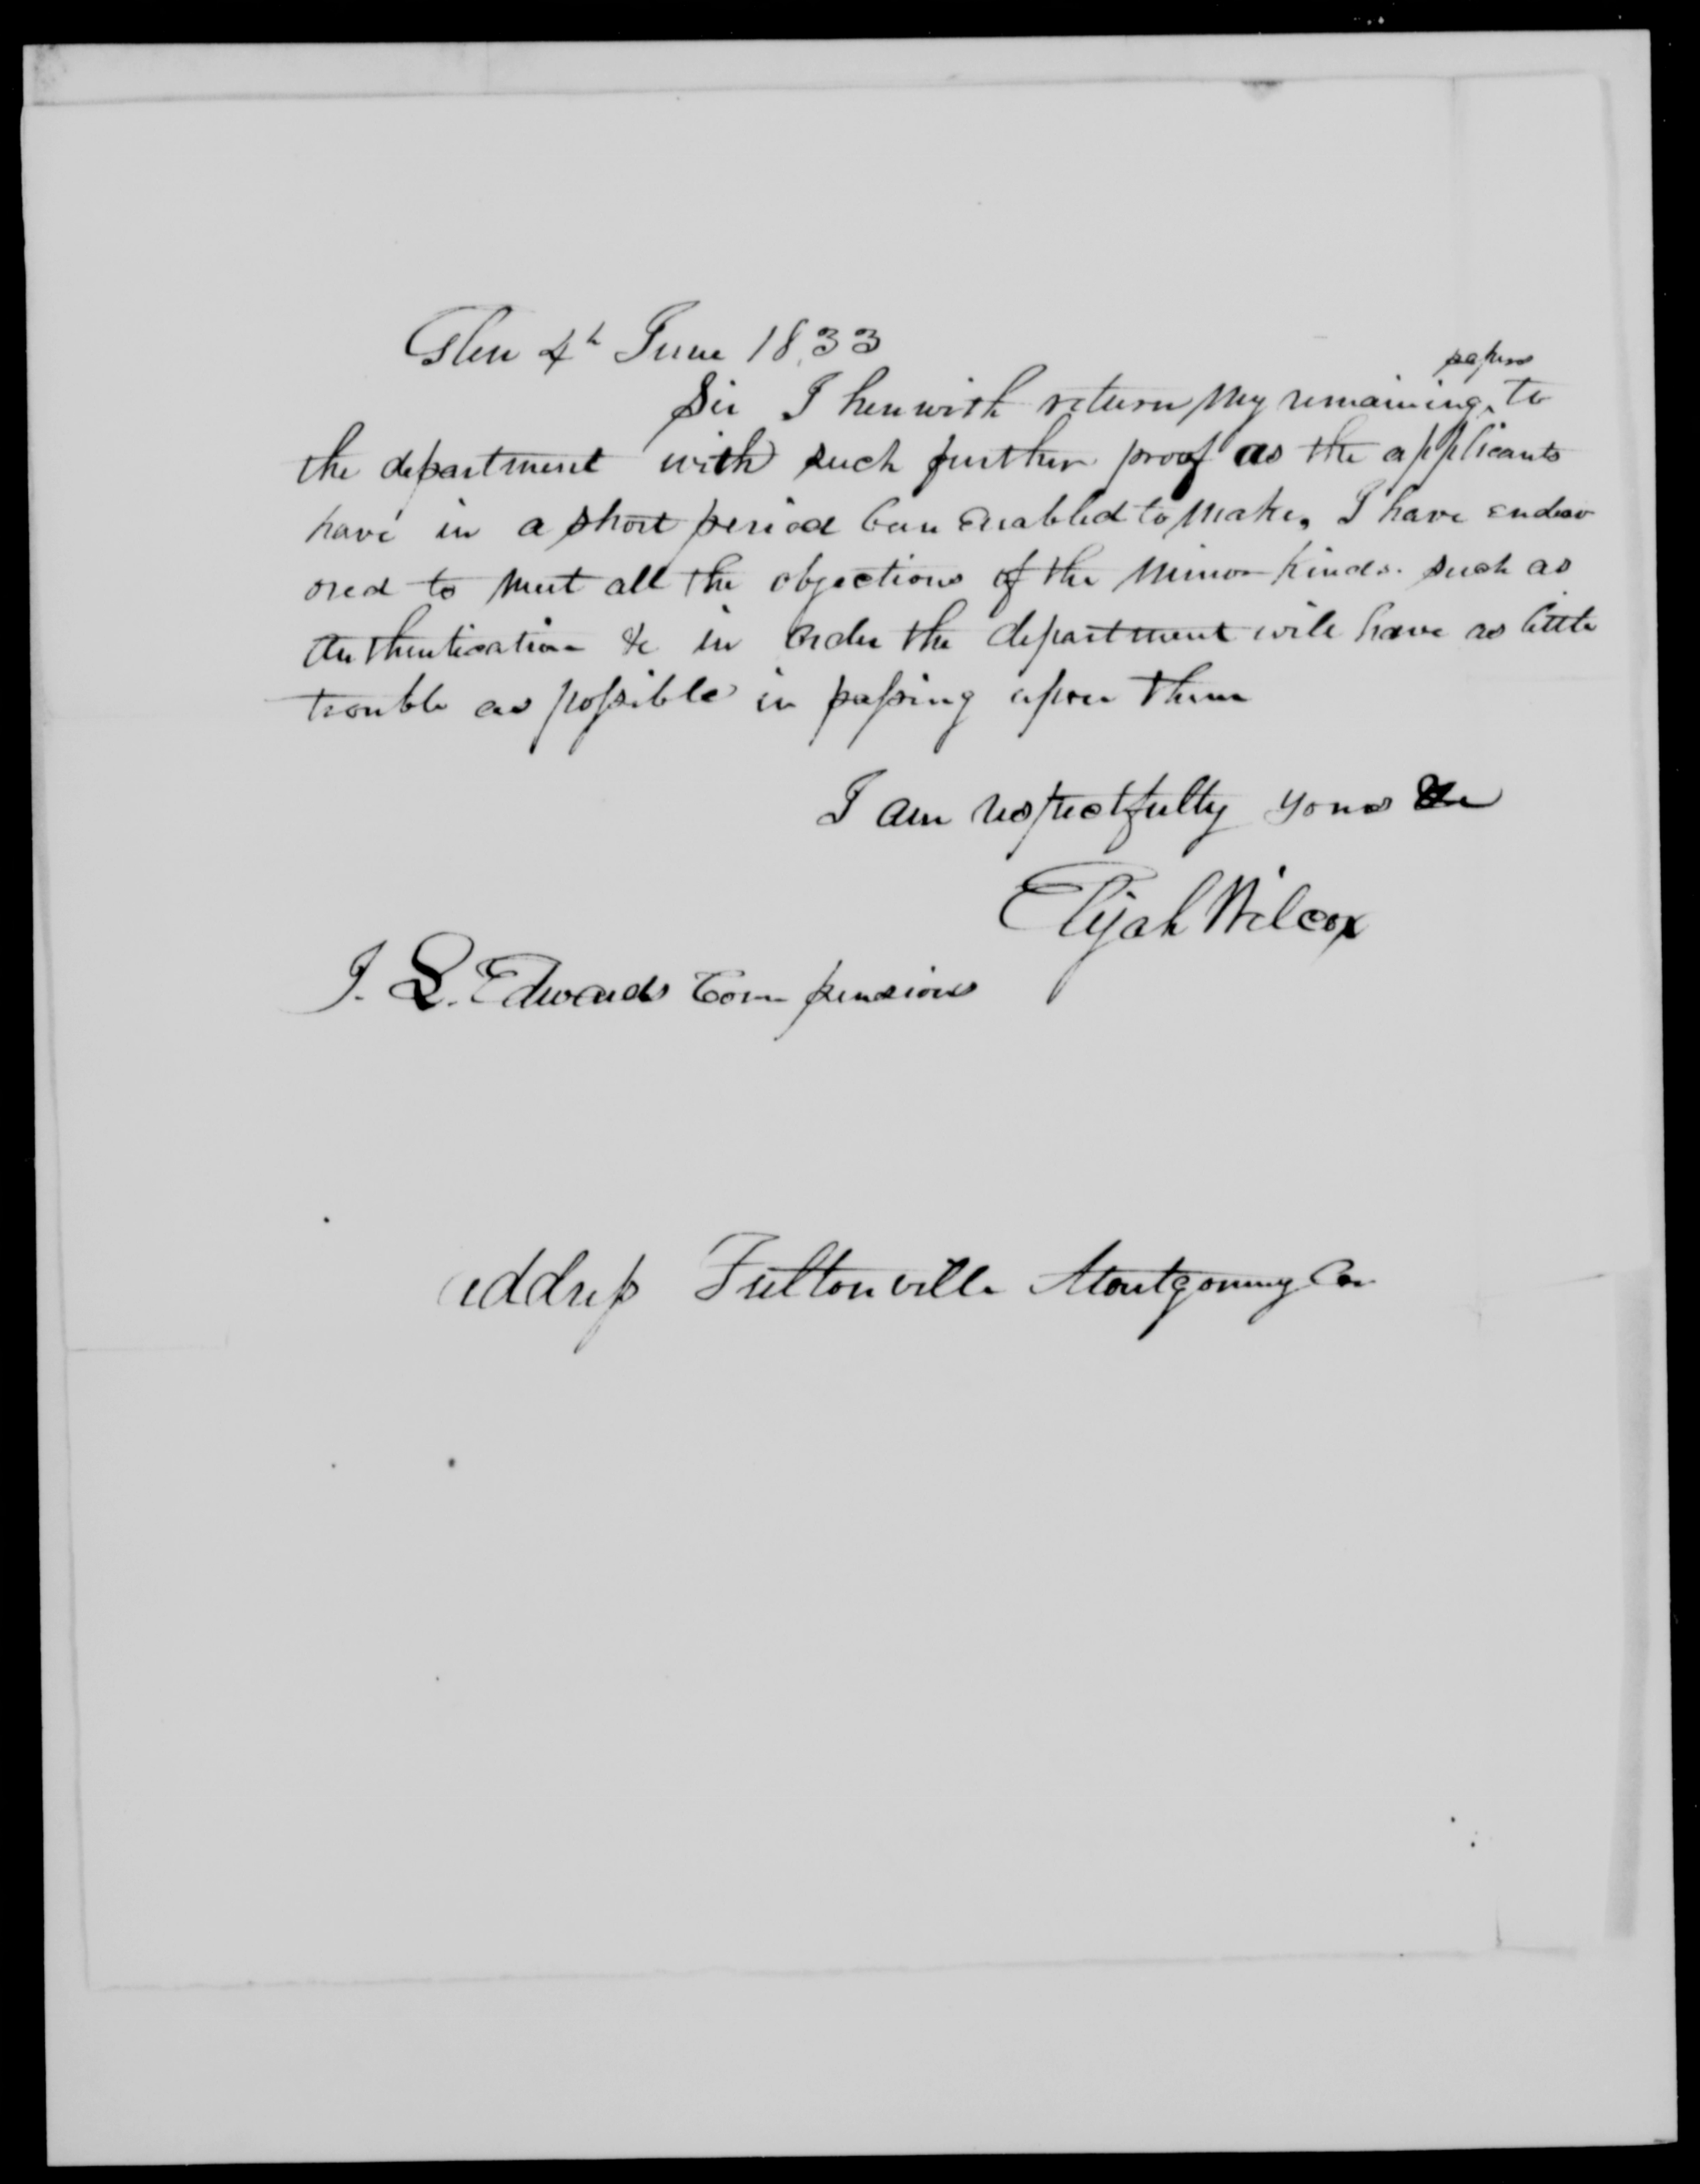Glen 4th June 1833
papers
Sir I herewith return my remaining papers to
the department with such further proof as the applicant
have in a short period been enabled to make. I have endevored to meet all the objections of the minor kinds such as
authentication &c in order the department will have as little
trouble as possible in passing upon them
I am respectfully yours
J. L. Edwards Com of Pensions
Elijah Wilcox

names: J L Edwards, Elijah Wilcox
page: 49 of 67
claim: widow's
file: W. 7379, George Young, New Jersey